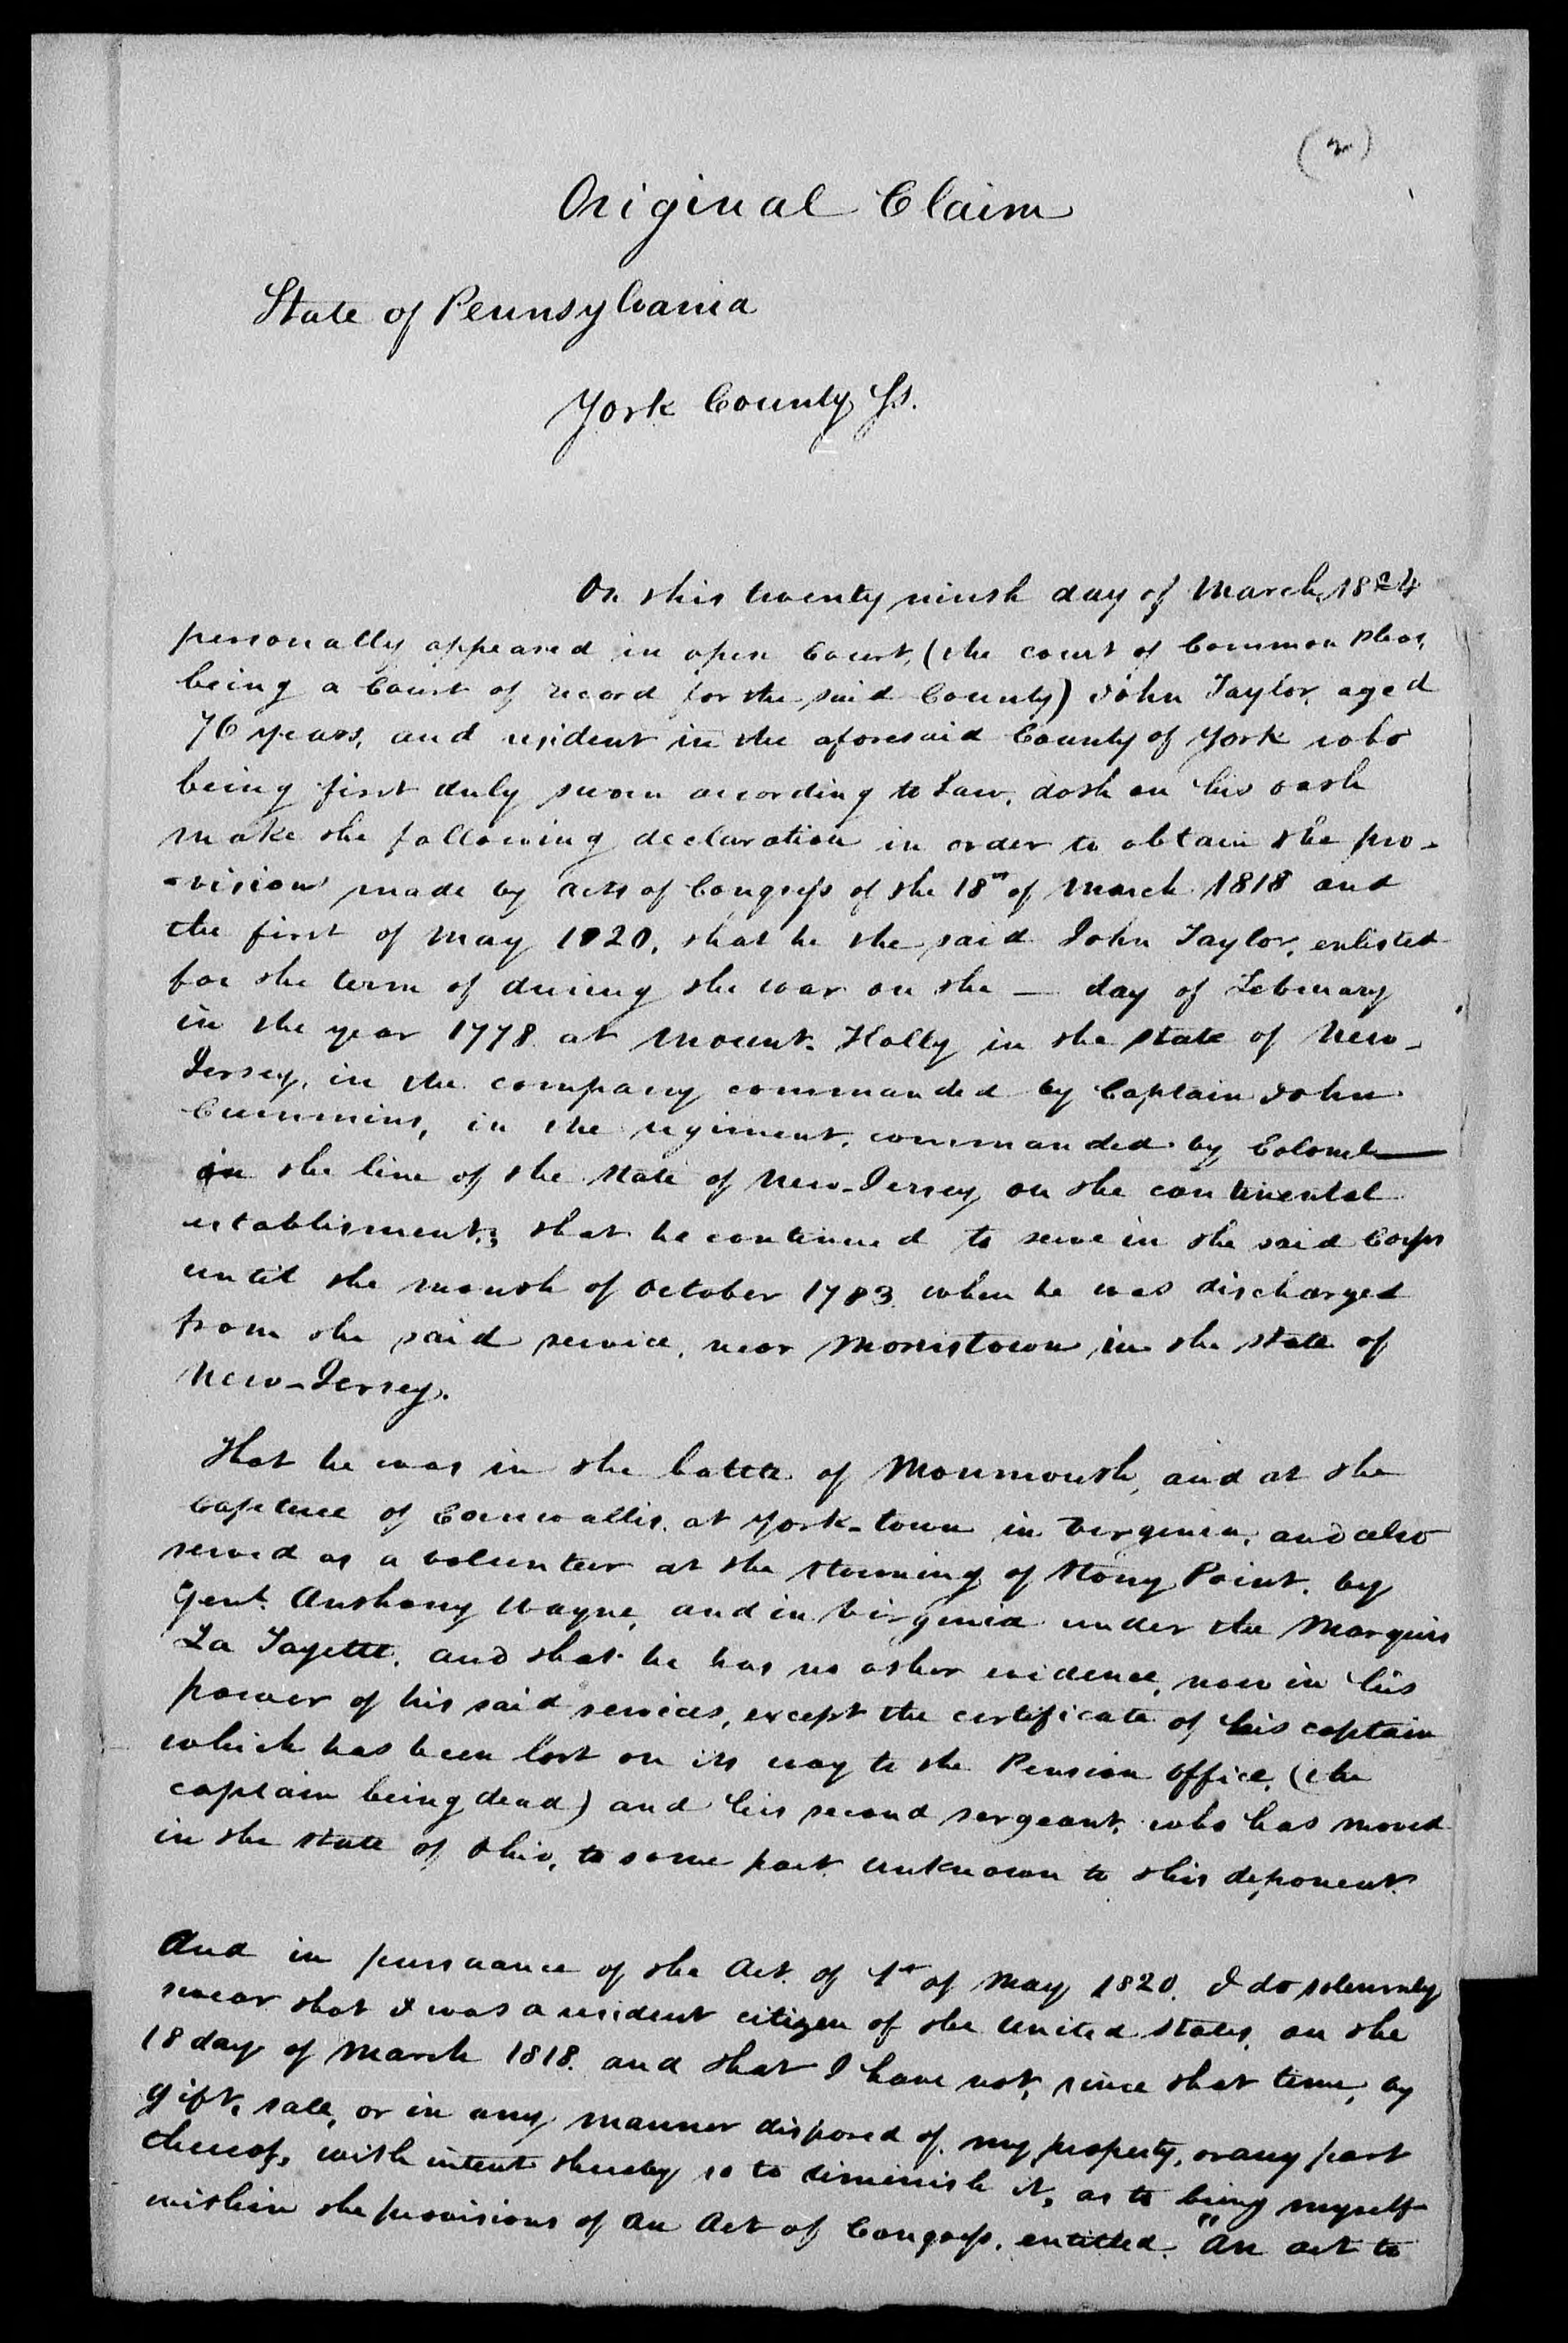(2)

Original Claim
State of Pennsylvania
York county ss


On this twenty ninth day of March 1824 personally appeared in open court (the court of Common Pleas being a Court of record for the said county).   John Taylor aged 76 years, and resident in the aforesaid County of York who being first duly sworn according to law, doth on his oath make the following declaration in order to obtain the pension made by acts of Congress of the 18th of March 1818 and the fist of May 1820, that he the said John Taylor enlisted for the term of during the war on the -- day of February in the year 1778 at Mount Holly inn the state of New Jersey in the company commanded by Captain John Cummins, in the regiment, commanded by Colonel in the line of the state of New Jersey on the continental establishment that he continued to serve in the said corps until the month of October 1783 when he was discharged from the said service near Morristown in the state of New Jersey. 

That he was in the battle of Monmouth and at the capture of Cornwallis at Yorktown in Virginia and also served as a volunteer at the storming of Stony Point by Gen Anthony Wayne and in Virginia under the Marquis La fayette and that he has no other evidence now in his power of his said services except the certificate of his captain which has been lost on its way to the Pension Office (the captain being dead) and his second sargeant, who has moved win the state of Ohio, to some part unknown to this deponent. 

And in pursuance of the Act of 1st May 1820 I do solemnly swear that I was a resident citizen of the United States on the 18 day of March 1818 and that I have not since that time by gift, rate or in any manner disposed of my property, or any part thereof, with intent thusly is to diminish it, as to bring myself within the provisions of an Act of Congress entitled "an act to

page: 7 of 9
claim: survivor's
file: S. 40,555, for John Taylor, New Jersey